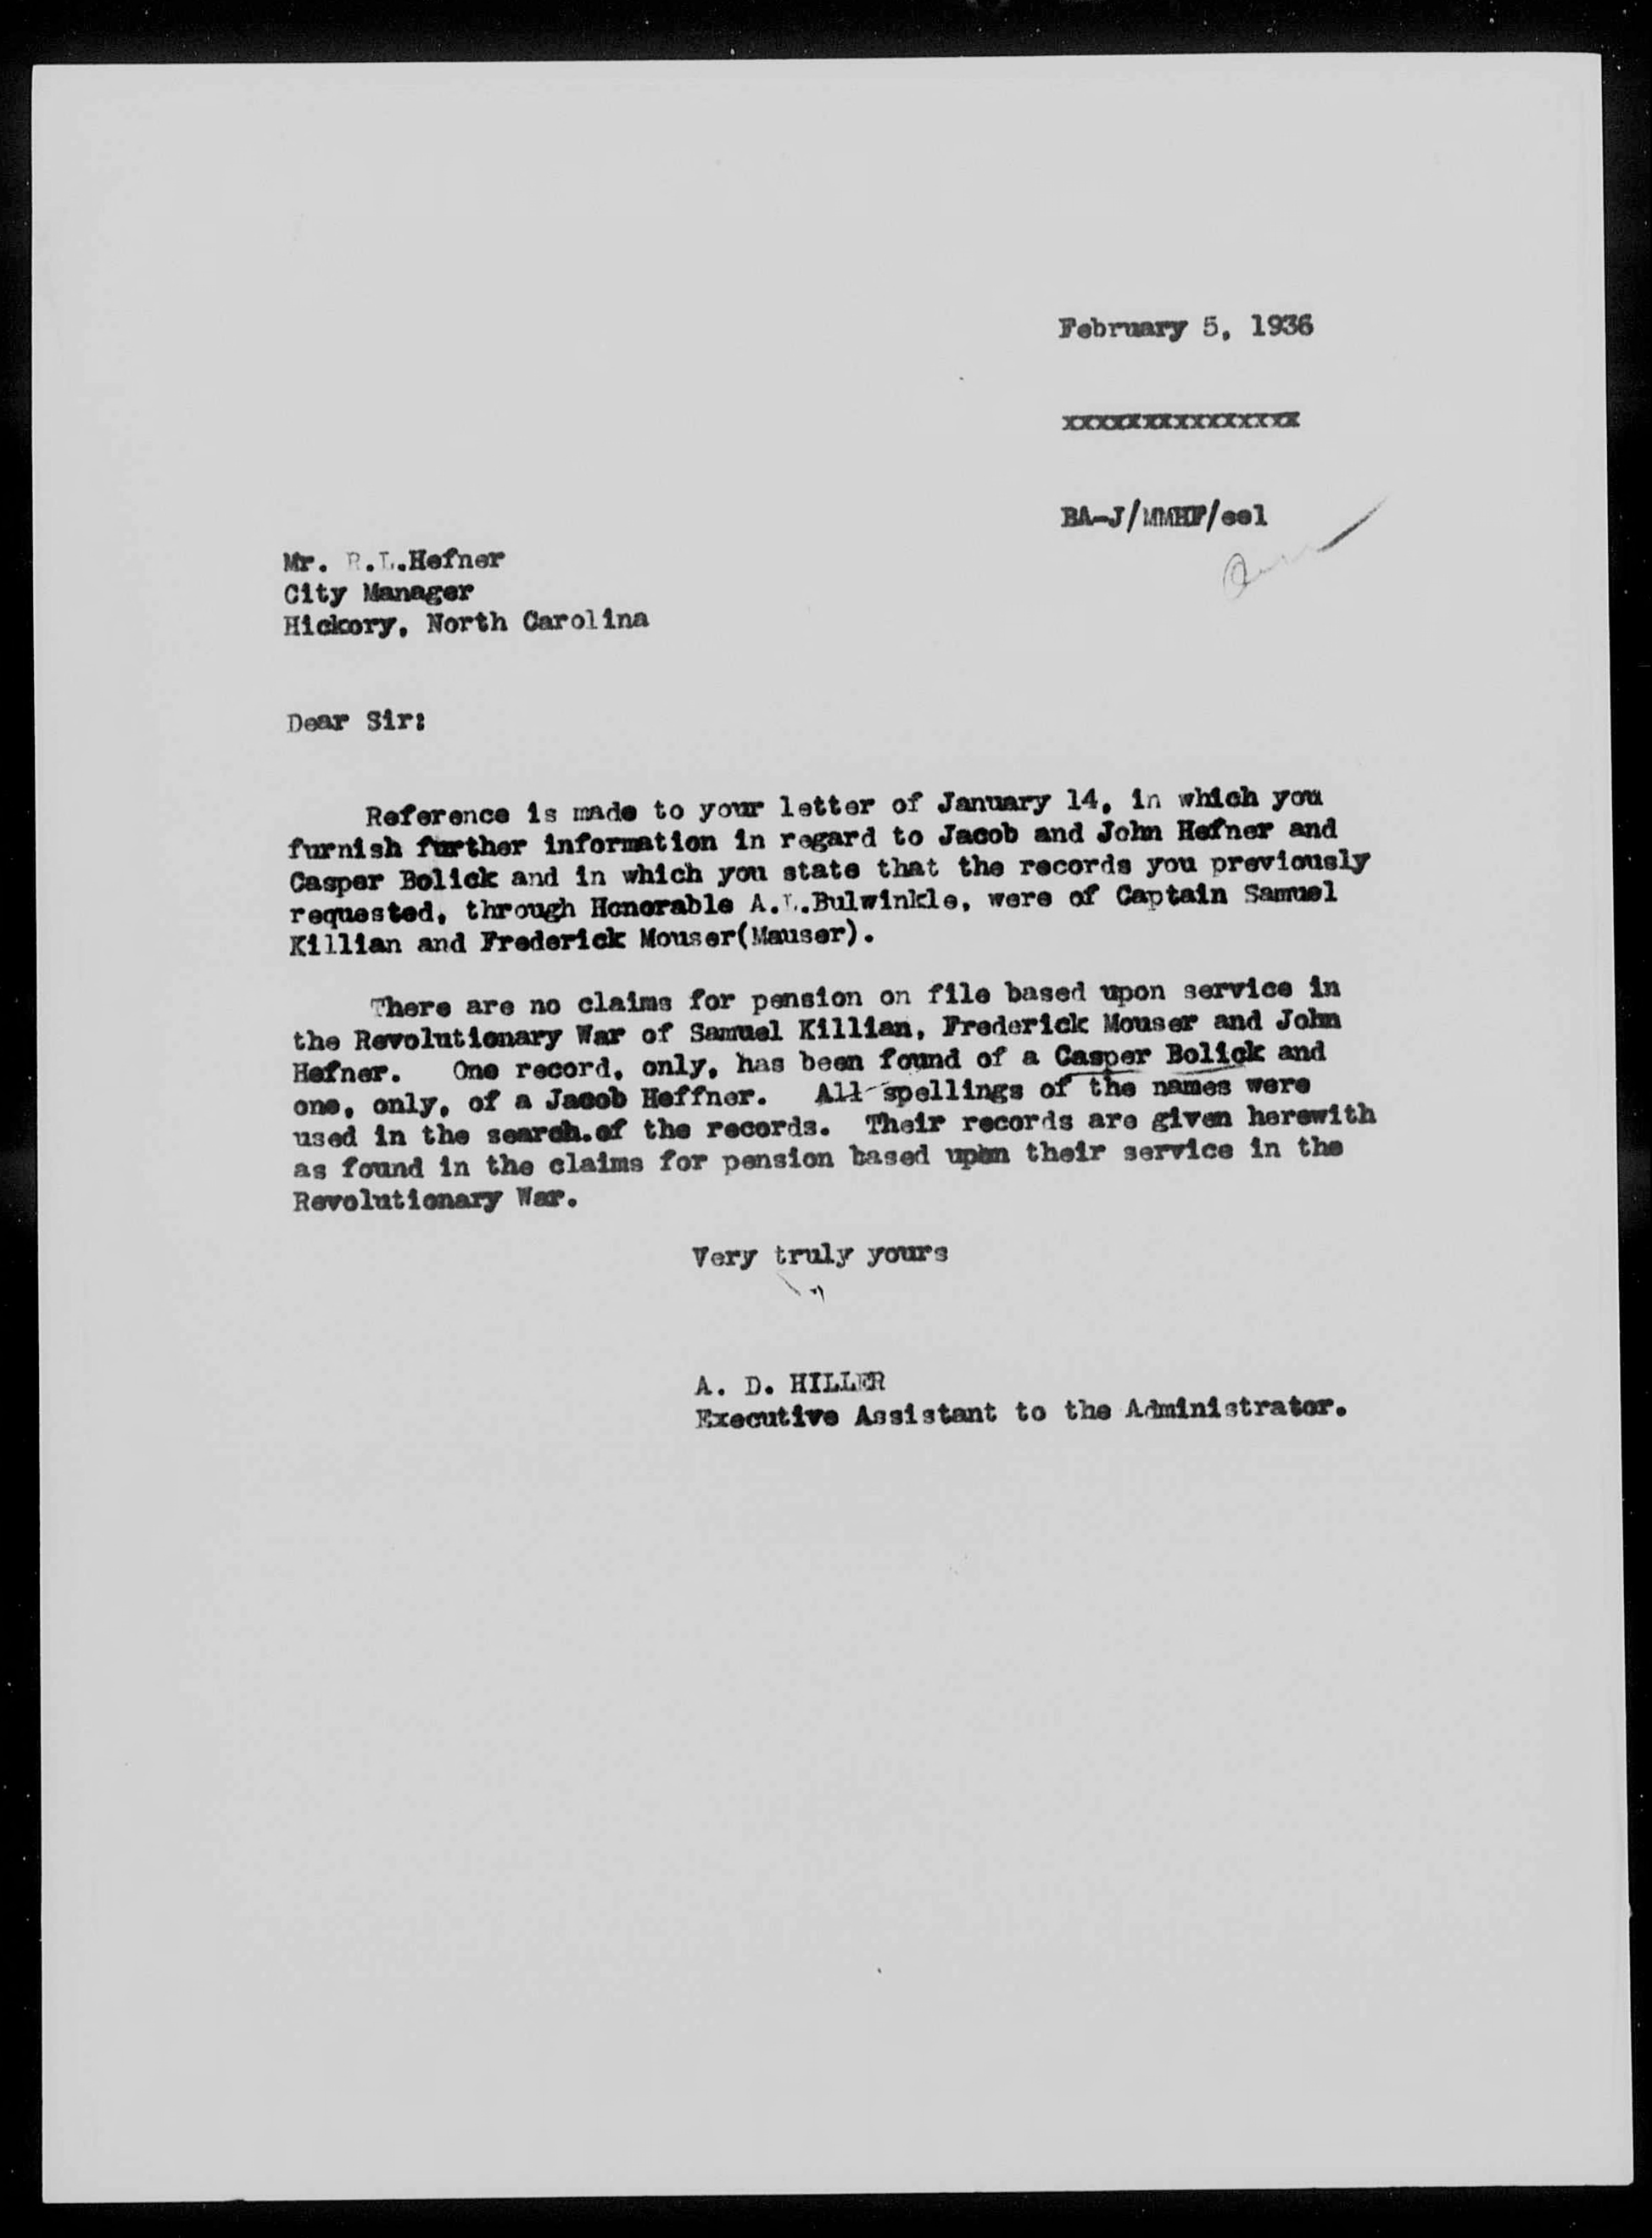February 5, 1936

xxxxxxxxxxxxxxxx
BA-J/MMHF/eel ow

Mr. R. T. Hefner
City Manager
Hickory, North Carolina

Dear Sir:

Reference is made to your letter of January 14, in which you furnish further information in regard to Jacob and John Hefner and
Casper Bolick and in which you state that the records you previously requested, through Honorable A. L. Bulwinkle, were of Captain Samuel Killian and Frederick Mouser (Mauser).
There are no claims for pension on file based upon service in the Revolutionary War of Samuel Killian, Frederick Mouser and John
Hefner. One record, only, has been found of a Casper Bolick and one, only, of a Jacob Heffner. All spellings of the names were used in the search of the records. Their records are given herewith as found in the claims for pension based upon their service in the
Revolutionary War.
Very truly yours

A. D. HILLER
Executive Assistant to the Administrator.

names: Frederick Mouser, Jacob Hefner, Jacob Heffner, Casper Bolick, John Hefner, A D Hiller, John Hefner, R L Hefner, Frederick Mauser, Samuel Killian, Casper Bolick, Frederick Mouser, Samuel Killian, A L Bulwinkle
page: 40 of 43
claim: widow's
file: W. 18,566, Casper Bolick, N.C.